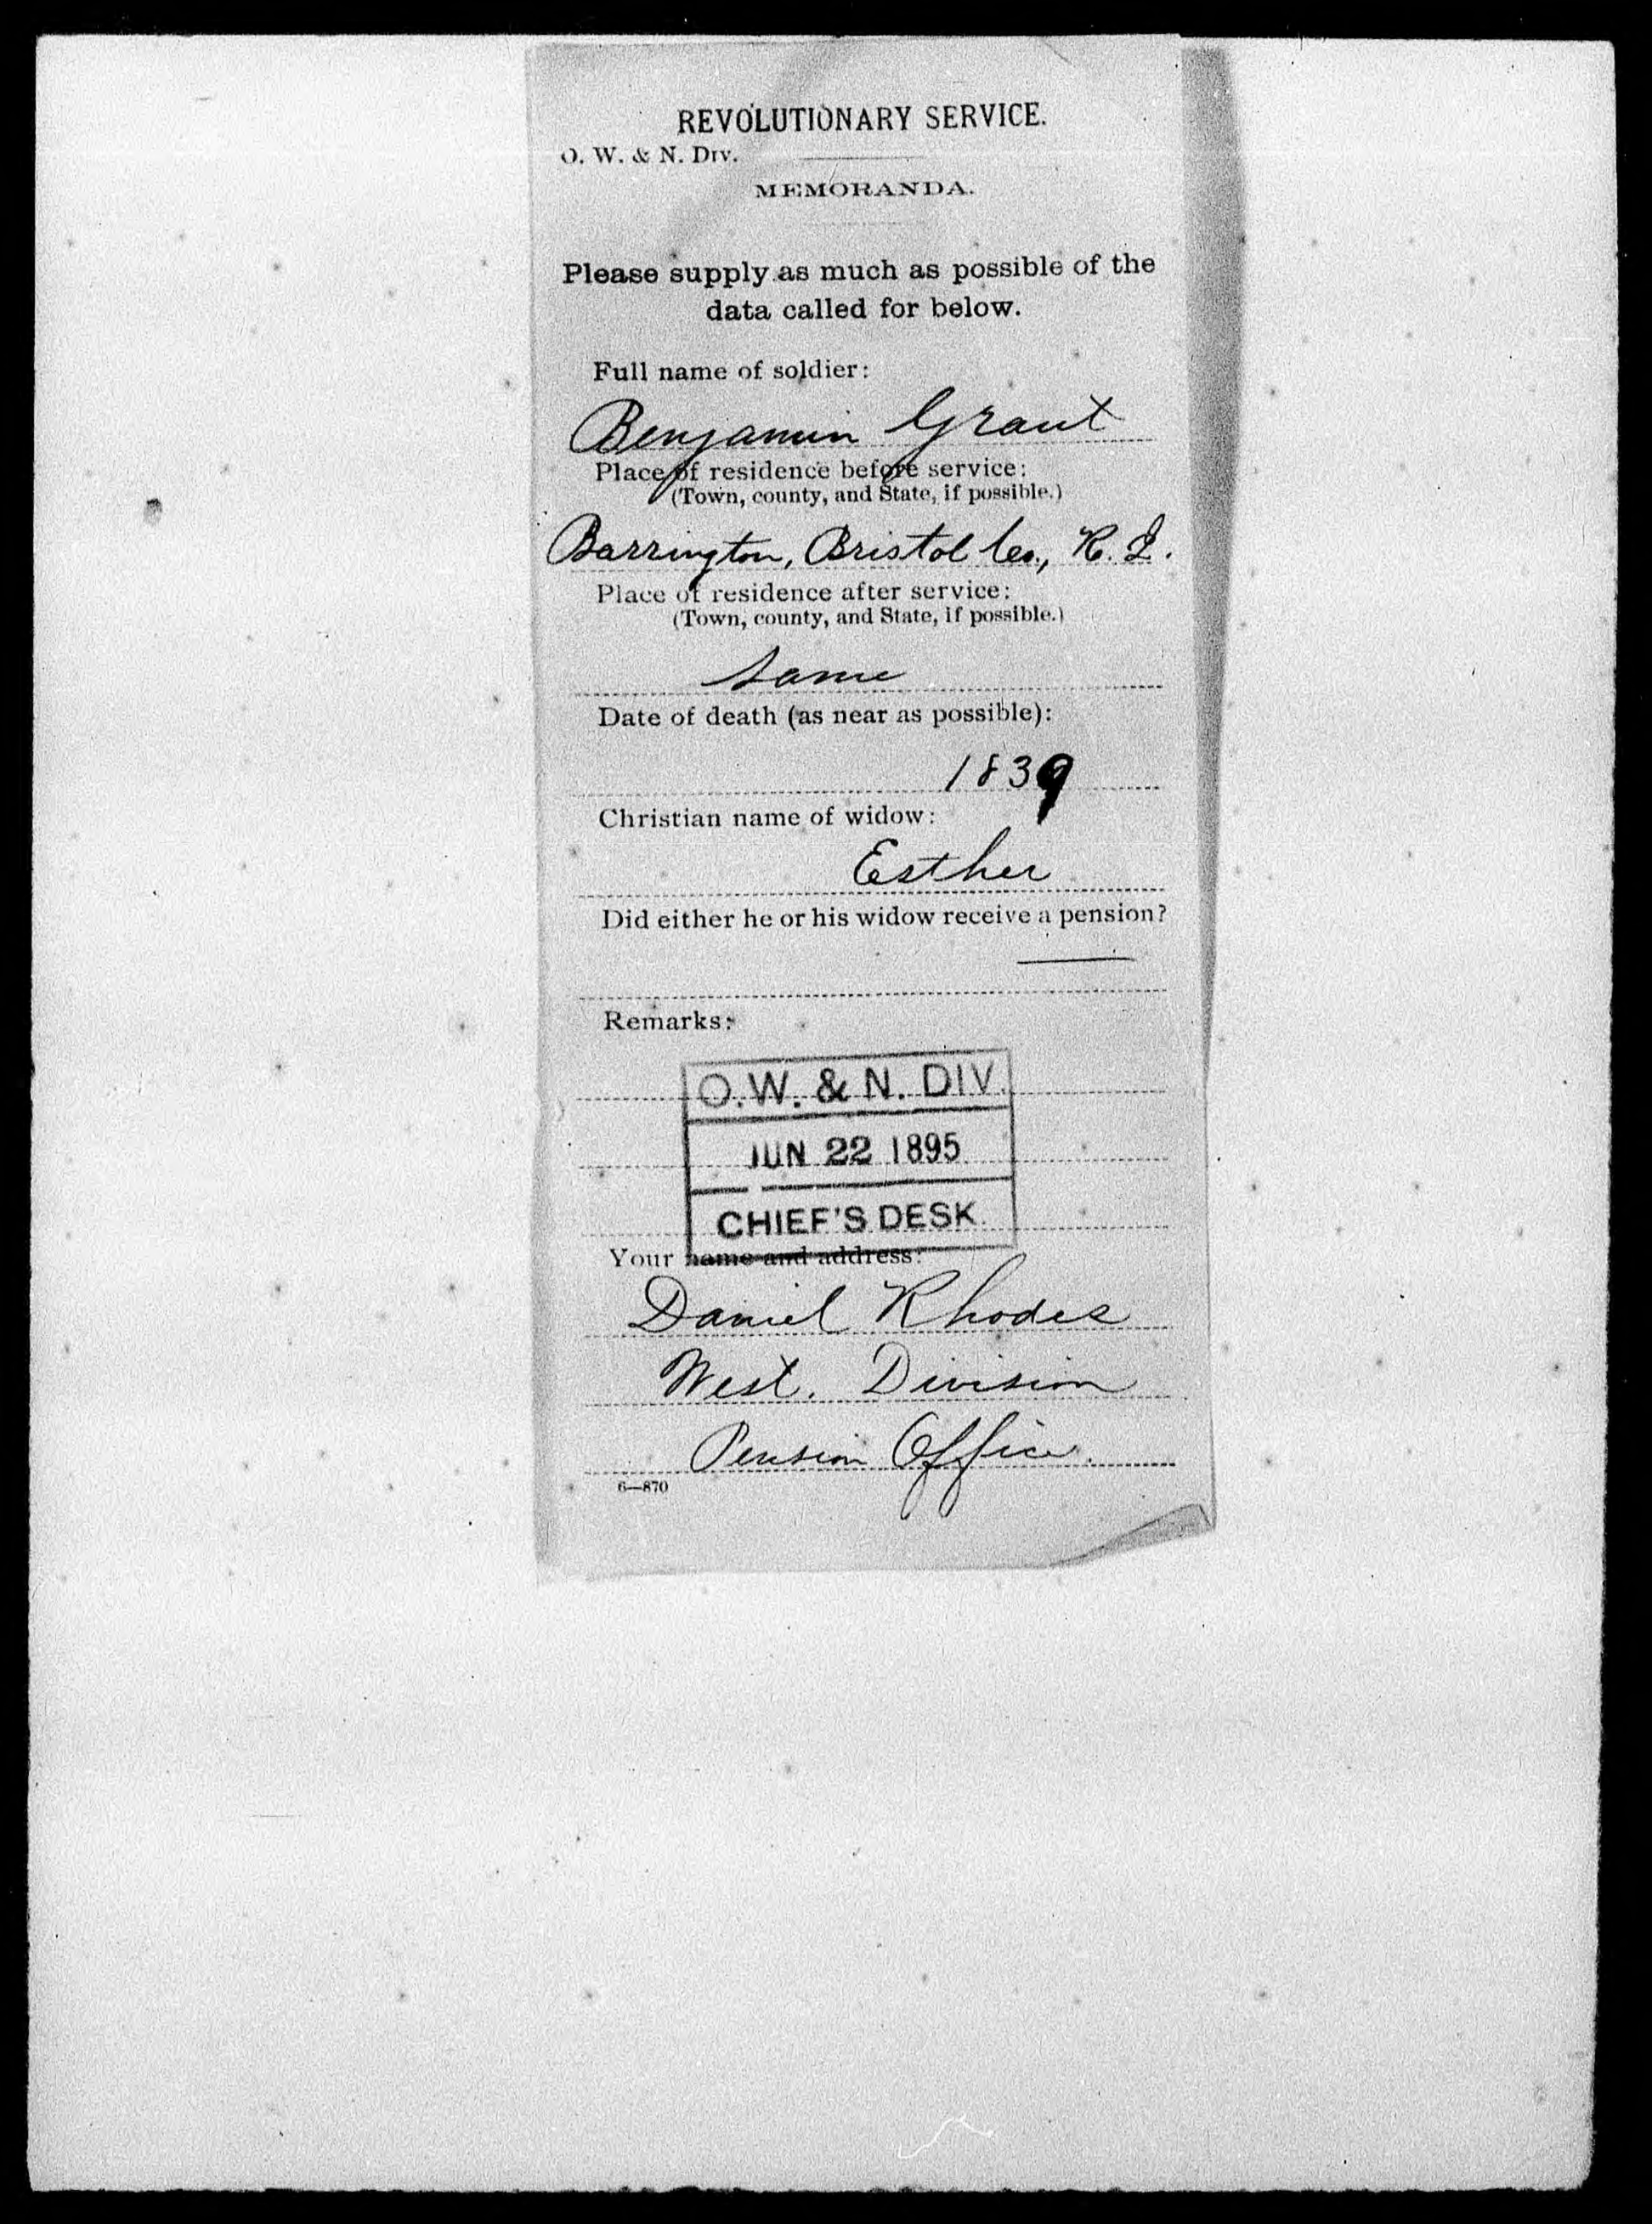REVOLUTIONARY SERVICE.
O.W.&N. Div.
MEMORANDA.

Please supply as much as possible of the data called for below.

Full name of soldier:
Benjamin Grant

Place of residence before service: (Town, county, and State, if possible.)
Barrington, Bristol Co., R.I.

Place of residence after service: (Town, county, and State, if possible.)
same

Date of death (as near as possible):
1839

Christian name of widow:
Esther

Did either he or his widow receive a pension? -

Remarks:

[Stamp] O.W.&N. DIV
JUN 22 1895
CHIEF'S DESK

Your name and address:
Daniel Rhodes
West. Division
Pension Office
June 25 95

6-870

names: Daniel Rhodes, Benjamin Grant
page: 15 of 21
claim: survivor's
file: S. 17,446, Benjamin Grant, R.I.